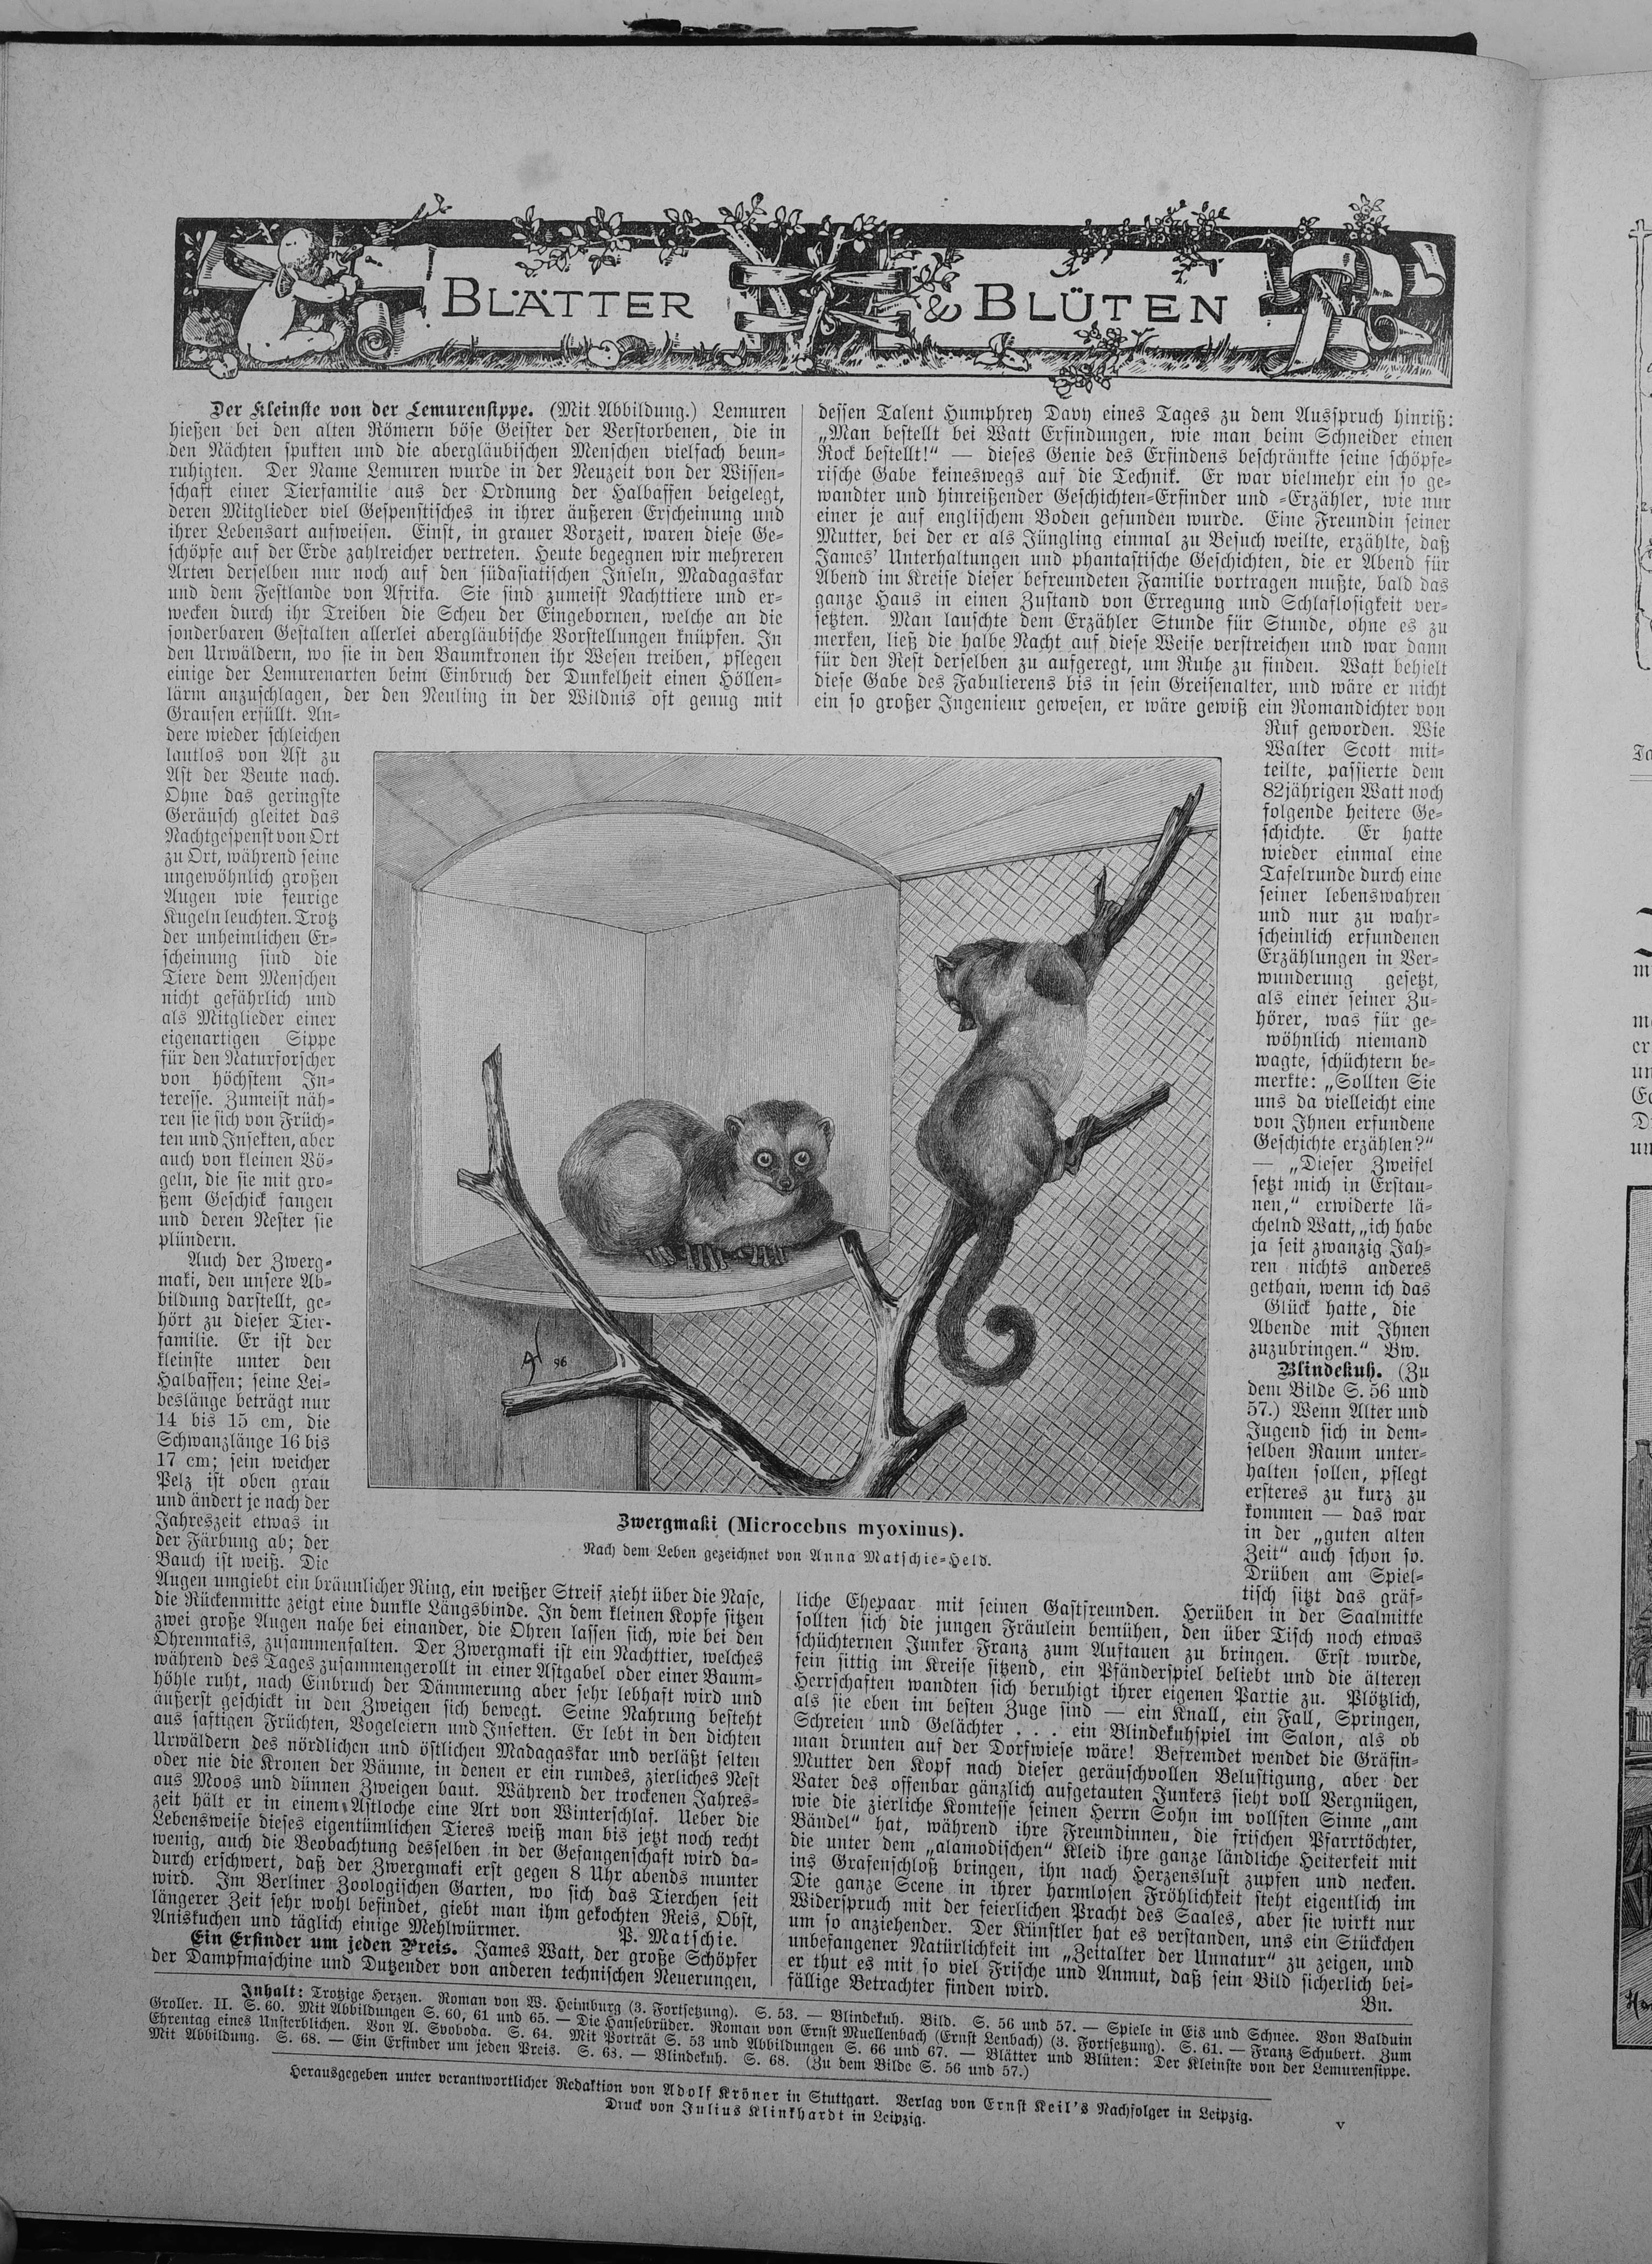Blätter & Blüten

Der kleinste von der Lemurensippe. (Mit Abbildung.) Lemuren hießen bei den alten Römern böse Geister der Verstorbenen, die in den Nächten spukten und die abergläubischen Menschen vielfach beunruhigten. Der Name Lemuren wurde in der Neuzeit von der Wissenschaft einer Tierfamilie aus der Ordnung der Halbaffen beigelegt, deren Mitglieder viel Gespenstisches in ihrer äußeren Erscheinung und ihrer Lebensart aufweisen. Einst, in grauer Vorzeit, waren diese Geschöpfe auf der Erde zahlreicher vertreten. Heute begegnen wir mehreren Arten derselben nur noch auf den südasiatischen Inseln, Madagaskar und dem Festlande von Afrika. Sie sind zumeist Nachttiere und erwecken durch ihr Treiben die Scheu der Eingeborenen, welche an die sonderbaren Gestalten allerlei abergläubische Vorstellungen knüpfen. In den Urwäldern, wo sie in den Baumkronen ihr Wesen treiben, pflegen einige der Lemurenarten beim Einbruch der Dunkelheit einen Höllenlärm anzuschlagen, der den Neuling in der Wildnis oft genug mit Grausen erfüllt. Andere wieder schleichen lautlos von Ast zu Ast, der Beute nach. Ohne das geringste Geräusch gleitet das Nachtgespenst von Ort zu Ort, während seine ungewöhnlich großen Augen wie feurige Kugeln leuchten. Trotz der unheimlichen Erscheinung sind die Tiere dem Menschen nicht gefährlich und als Mitglieder einer eigenartigen Sippe für den Naturforscher von höchstem Interesse. Zumeist nähren sie sich von Früchten und Insekten, aber auch von kleinen Vögeln, die sie mit großem Geschick fangen und deren Nester sie plündern.

Zwergmaki (Microcebus myoxinus).
Nach dem Leben gezeichnet von Anna Matschie-Held.

Auch der Zwergmaki, den unsere Abbildung darstellt, gehört zu dieser Tierfamilie. Er ist der kleinste unter den Halbaffen, seine Leibeslänge beträgt nur 14 bis 15 cm, die Schwanzlänge 16 bis 17 cm, sein weicher Pelz ist oben grau und ändert je nach der Jahreszeit etwas in der Färbung ab; der Bauch ist weiß. Die Augen umgiebt ein bräunlicher Ring, ein weißer Streif dicht über die Nase, die Rückenmitte zeigt eine dunkle Längsbinde. In dem kleinen Kopfe sitzen zwei große Augen nahe bei einander, die Ohren lassen sich, wie bei den Ohrenmakis, zusammenfalten. Der Zwergmaki ist ein Nachttier, welches während des Tages zusammengerollt in einer Astgabel oder einer Baumhöhle ruht, nach Einbruch der Dämmerung aber sehr lebhaft wird und äußerst geschickt in den Zweigen sich bewegt. Seine Nahrung besteht aus saftigen Früchten, Vogeleiern und Insekten. Er lebt in den dichten Urwäldern des nördlichen und östlichen Madagaskar und verläßt selten oder nie die Kronen der Bäume, in denen er ein rundes, zierliches Nest aus Moos und dünnen Zweigen baut. Während der trockenen Jahreszeit hält er in einem Astloche eine Art von Winterschlaf. Ueber die Lebensweise dieses eigentümlichen Tieres weiß man bis jetzt noch recht wenig, auch die Beobachtung desselben in der Gefangenschaft wird dadurch erschwert, daß der Zwergmaki erst gegen 8 Uhr abends munter wird. Im Berliner Zoologischen Garten, wo sich das Tierchen seit längerer Zeit sehr wohl befindet, giebt man ihm gekochten Reis, Obst, Aniskuchen und täglich einige Mehlwürmer.
P. Matschie.

Ein Erfinder um jeden Preis. James Watt, der große Schöpfer der Dampfmaschine und Dutzender von anderen technischen Neuerungen, dessen Talent Humphrey Davy eines Tages zu dem Ausspruch hinriß: „Man bestellt bei Watt Erfindungen, wie man beim Schneider einen Rock bestellt“ – dieses Genie des Erfindens beschränkte seine schöpferische Gabe keineswegs auf die Technik. Er war vielmehr ein so gewandter und hinreißender Geschichten-Erfinder und -Erzähler, wie nur einer je auf englischem Boden gefunden wurde. Eine Freundin seiner Mutter, bei der er als Jüngling einmal zu Besuch weilte, erzählte, daß James Unterhaltungen und phantastische Geschichten, die er Abend für Abend im Kreise dieser befreundeten Familie vortragen mußte, bald das ganze Haus in einen Zustand von Erregung und Schlaflosigkeit versetzten. Man lauschte dem Erzähler Stunde für Stunde, ohne es zu merken ließ die halbe Nacht auf diese Weise verstreichen und war dann für den Rest derselben zu aufgeregt, um Ruhe zu finden. Watt behielt diese Gabe des Fabulierens bis in sein Greisenalter, und wäre er nicht ein so großer Ingenieur gewesen, er wäre gewiß ein Romandichter von Ruf geworden. Wie Walter Scott mitteilte, passierte dem 82-jährigen Watt noch folgende heitere Geschichte. Er hatte wieder einmal eine Tafelrunde durch eine seiner lebenswahren und nur zu wahrscheinlich erfundenen Erzählungen in Verwunderung gesetzt, als einer seiner Zuhörer, was für gewöhnlich niemand wagte, schüchtern bemerkte. „Sollten Sie uns da vielleicht eine von Ihnen erfundene Geschichte erzählen?“ – „Dieser Zweifel setzt mich in Erstaunen“, erwiderte lächelnd Watt, „ich habe ja seit zwanzig Jahren nichts anderes gethan, wenn ich das Glück hatte, die Abende mit Ihnen zuzubringen.
Bw.

Blindekuh. (Zu dem Bilde S. 56. und 57.) Wenn Alter und Jugend sich in demselben Raum unterhalten sollen, pflegt ersteres zu kurz zu kommen – das war in der „guten alten Zeit“ auch schon so. Drüben am Spieltisch sitzt das gräßliche Ehepaar mit seinen Gastfreunden. Herüben in der Saalmitte sollten sich die jungen Fräulein bemühen, den über Tisch noch etwas schüchternen Imker Franz zum Auftauen zu bringen. Erst wurde, fein sittig im Kreise sitzend, ein Pfänderspiel beliebt und die älteren Herrschaften wandten sich beruhigt ihrer eigenen Partie zu. Plötzlich, als sie eben im besten Zuge sind – ein Knall, ein Fall, Springen, Schreien und Gelächter … ein Blindekuhspiel im Salon als ob man draußen auf der Dorfwiese wäre! Befremdet wendet die Gräfin-Mutter den Kopf nach dieser geräuschvollen Belustigung, aber der Vater des offenbar gänzlich aufgetauten Imkers sieht voll Vergnügen, wie die zierliche Komtesse seinen Herrn Sohn im vollsten Sinne „am Bändel“ hat, während ihre Freundinnen, die frischen Pfarrtöchter, die unter dem „altmodischen“ Kleid ihre ganze ländliche Heiterkeit mit ins Grafenschloß bringen, ihn nach Herzenslust zupfen und necken. Die ganze Scene in ihrer harmlosen Fröhlichkeit steht eigentlich im Widerspruch mit der feierlichen Pracht des Saales, aber sie wirkt nur um so anziehender. Der Künstler hat es verstanden, uns ein Stückchen unbefangener Natürlichkeit im „Zeitalter der Unnatur“ zu zeigen, und er thut es mit so viel Frische und Anmut, daß sein Bild sicherlich beifällige Betrachter finden wird.
Bn.
